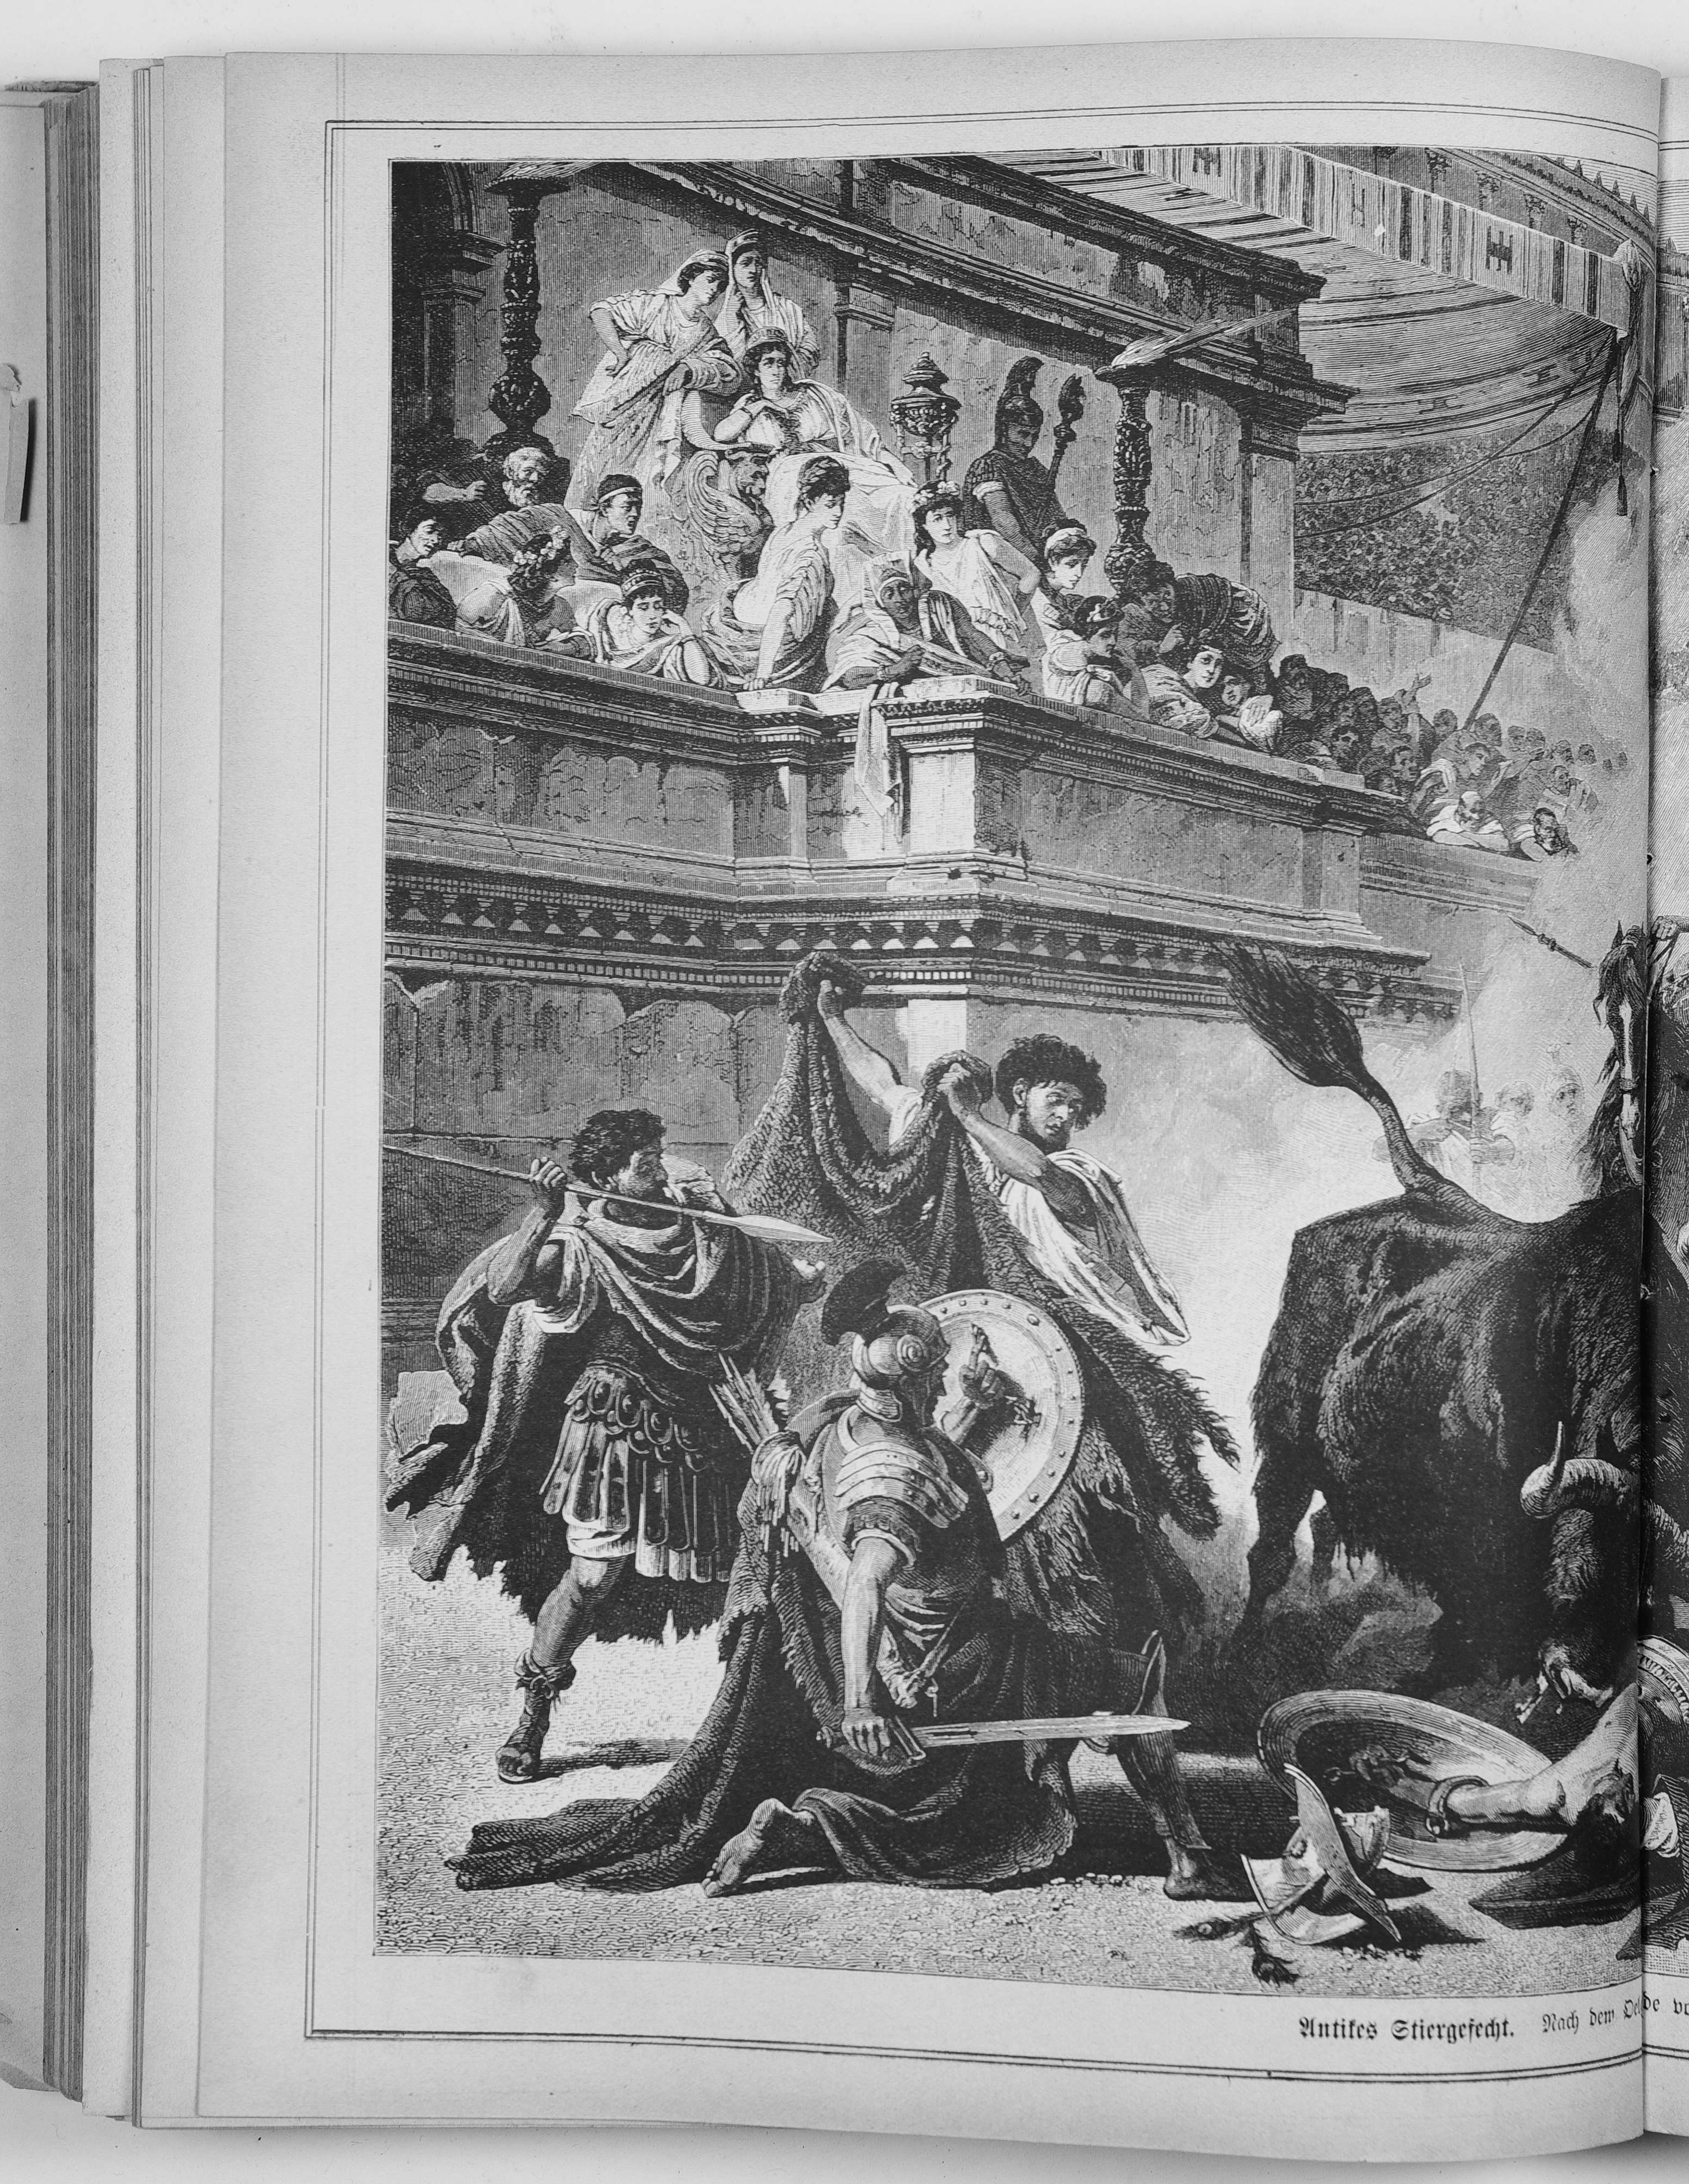Antikes Stiergefecht. Nach dem Oelgemälde von A. Wagner auf Holz übertragen.
